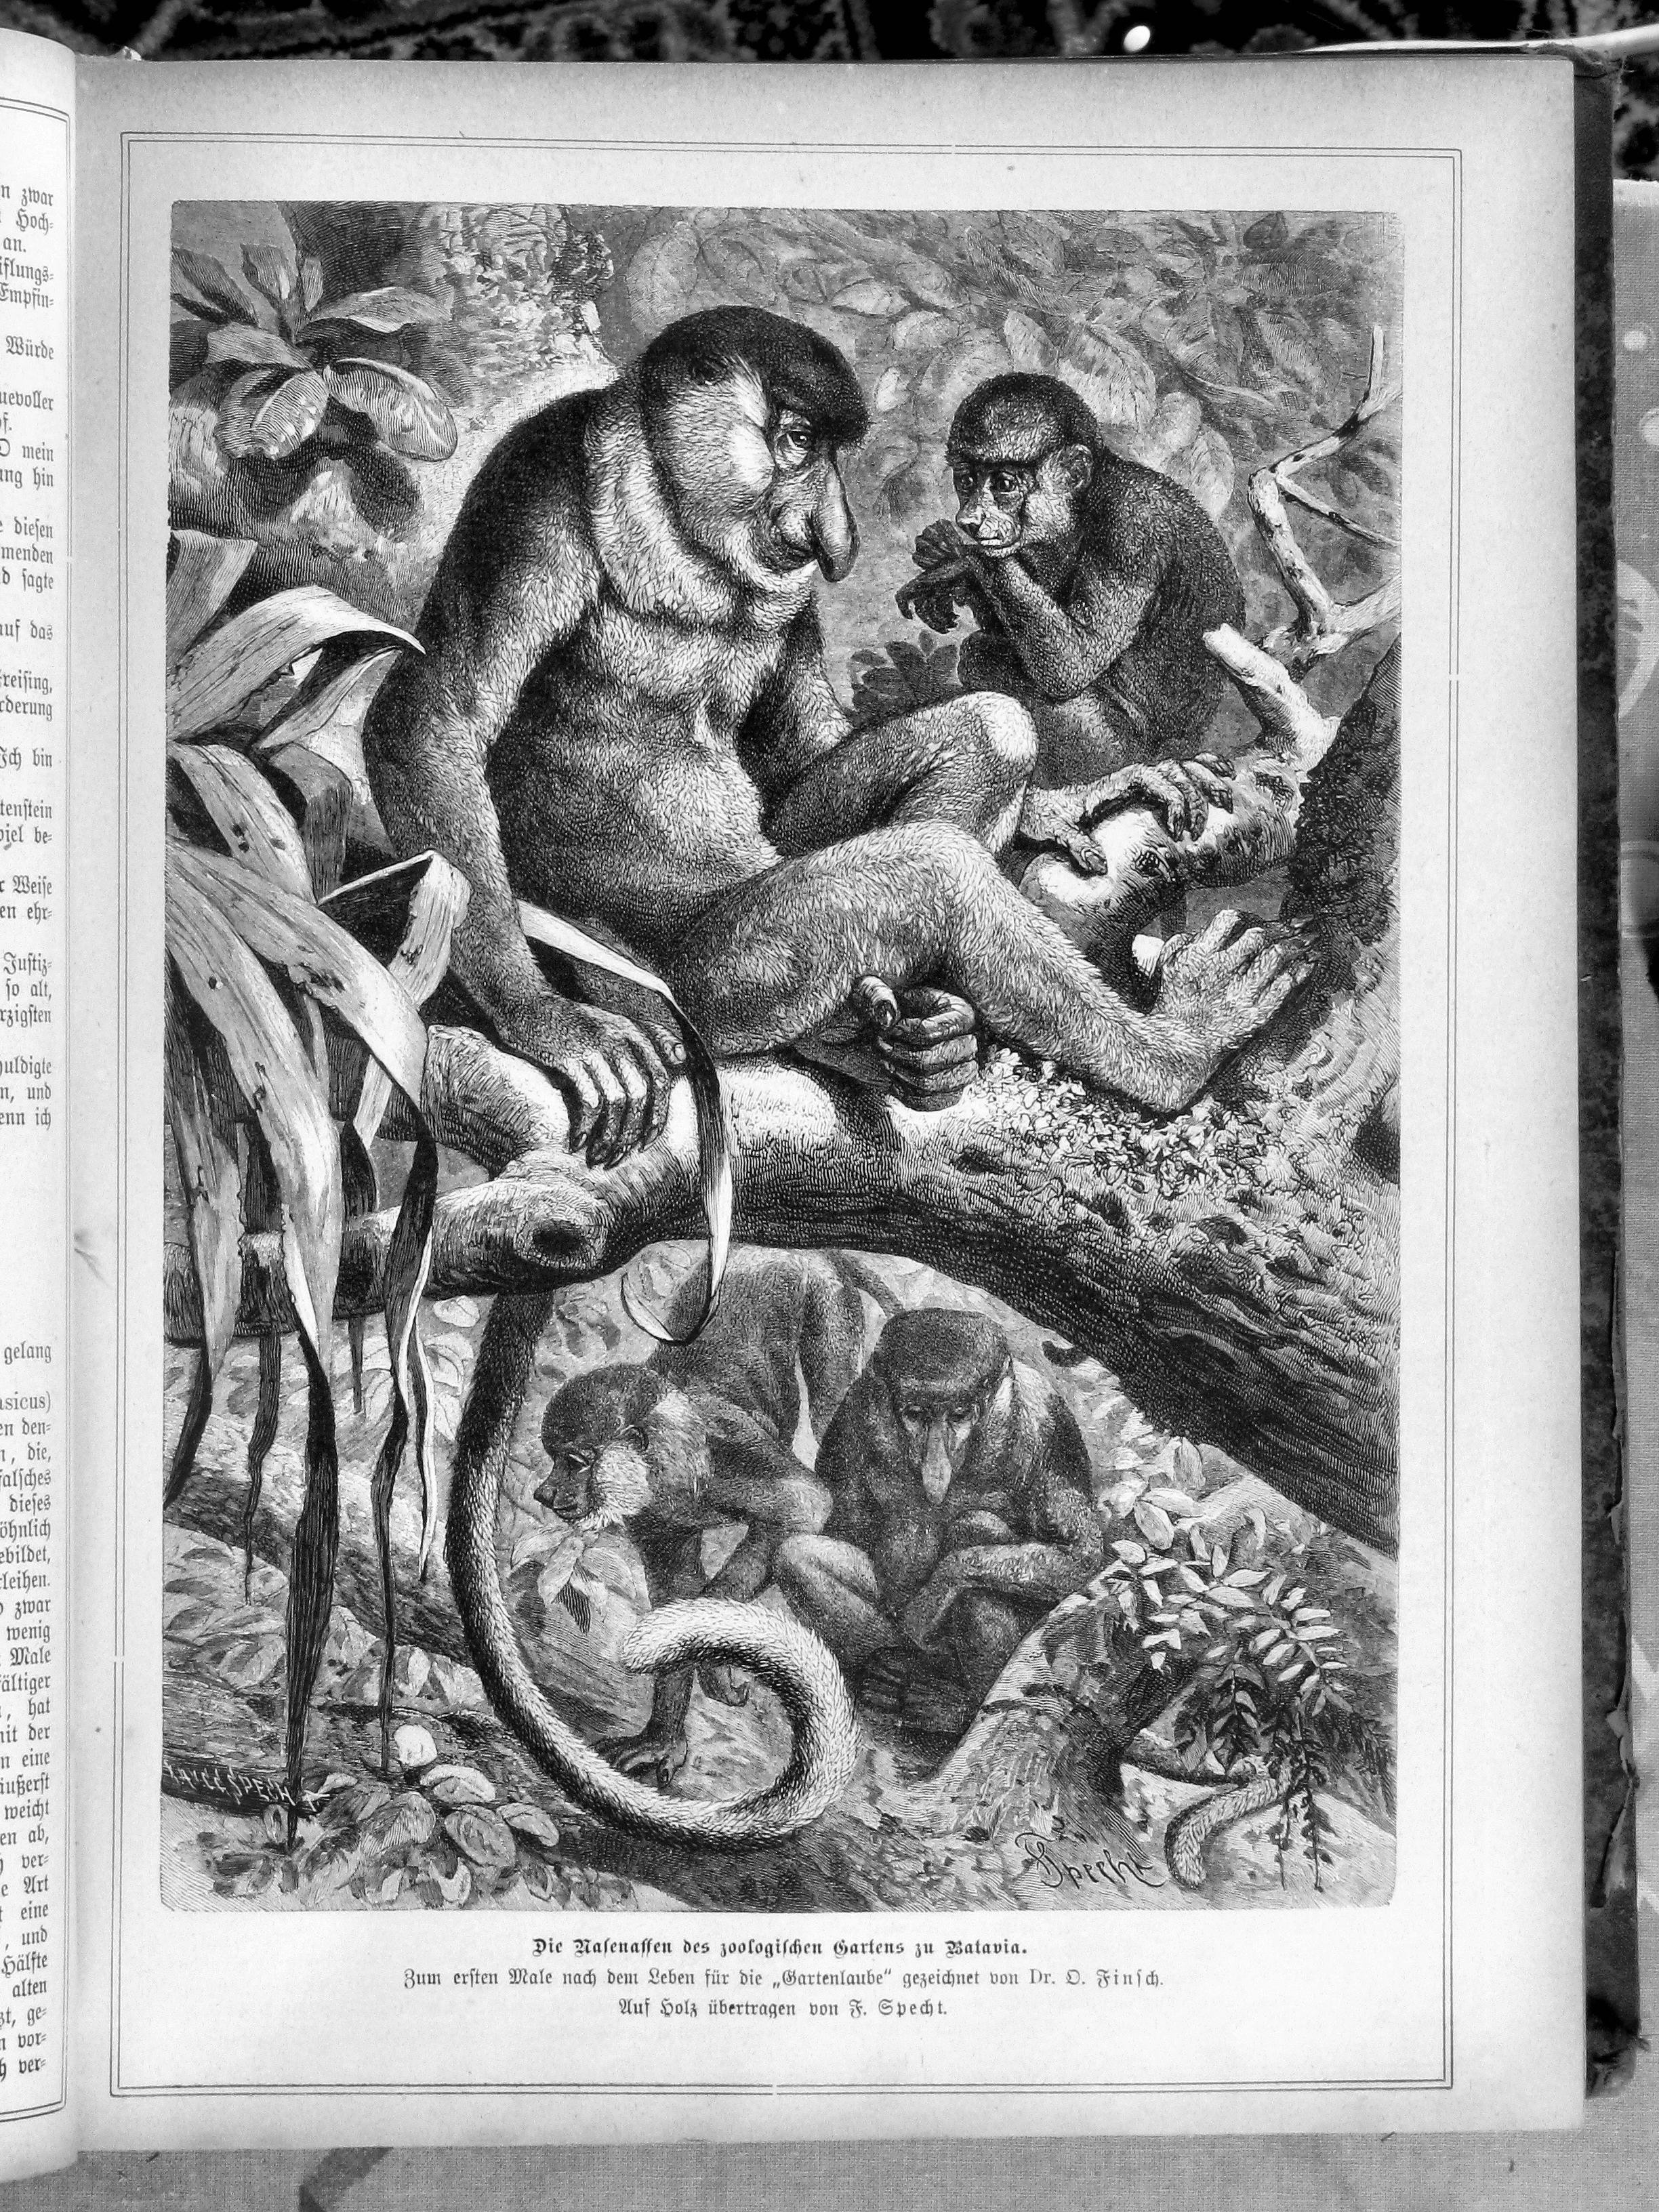Die Nasenaffen des zoologischen Gartens zu Batavia.
Zum ersten Male nach dem Leben für die „Gartenlaube“ gezeichnet von Dr. O. Finsch.
Auf Holz übertragen von F. Specht.
